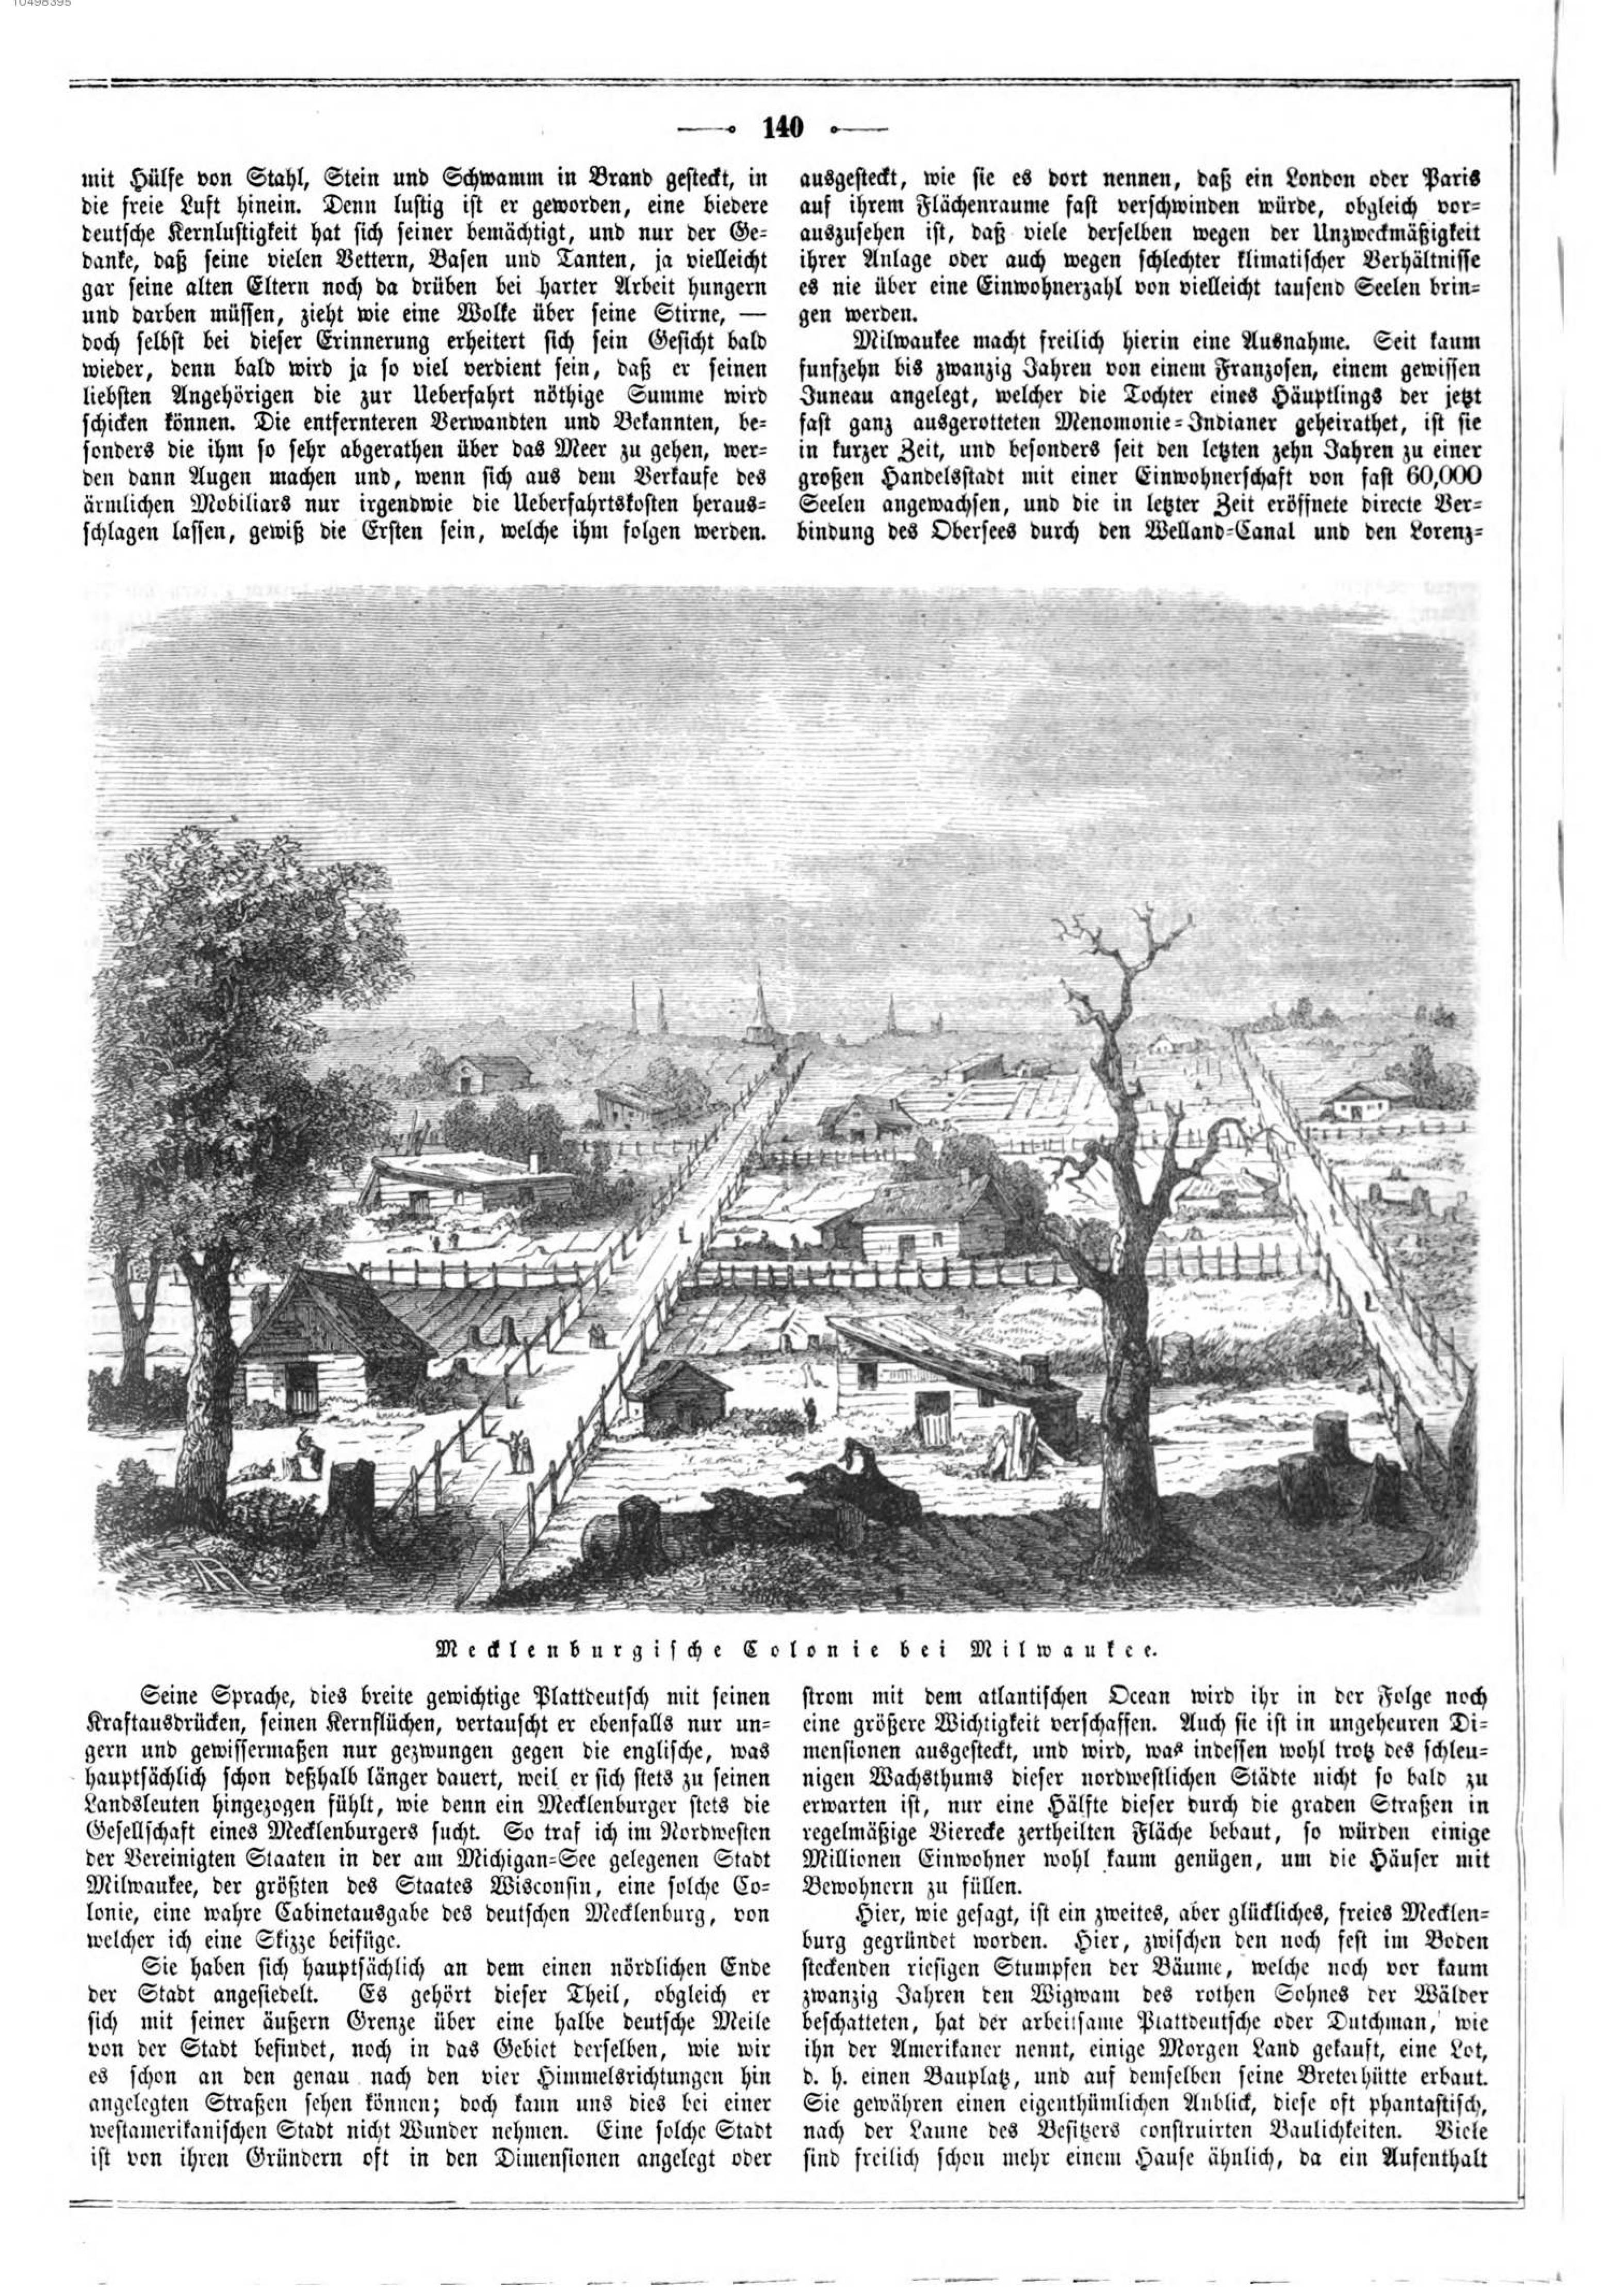mit Hülfe von Stahl, Stein und Schwamm in Brand gesteckt, in die freie Luft hinein. Denn lustig ist er geworden, eine biedere deutsche Kernlustigkeit hat sich seiner bemächtigt, und nur der Gedanke, daß seine vielen Vettern, Basen und Tanten, ja vielleicht gar seine alten Eltern noch da drüben bei harter Arbeit hungern und darben müssen, zieht wie eine Wolke über seine Stirne, – doch selbst bei dieser Erinnerung erheitert sich sein Gesicht bald wieder, denn bald wird ja so viel verdient sein, daß er seinen liebsten Angehörigen die zur Ueberfahrt nöthige Summe wird schicken können. Die entfernteren Verwandten und Bekannten, besonders die ihm so sehr abgerathen über das Meer zu gehen, werden dann Augen machen und, wenn sich aus dem Verkaufe des ärmlichen Mobiliars nur irgendwie die Ueberfahrtskosten herausschlagen lassen, gewiß die Ersten sein, welche ihm folgen werden.

Mecklenburgische Colonie bei Milwaukee.

Seine Sprache, dies breite gewichtige Plattdeutsch mit seinen Kraftausdrücken, seinen Kernstücken, vertauscht er ebenfalls nur ungern und gewissermaßen nur gezwungen gegen die englische, was hauptsächlich schon deßhalb länger dauert, weil er sich stets zu seinen Landsleuten hingezogen fühlt, wie denn ein Mecklenburger stets die Gesellschaft eines Mecklenburgers sucht. So traf ich im Nordwesten der Vereinigten Staaten in der am Michigan-See gelegenen Stadt Milwaukee, der größten des Staates Wisconsin, eine solche Colonie, eine wahre Cabinetausgabe des deutschen Mecklenburg, von welcher ich eine Skizze beifüge.

Sie haben sich hauptsächlich an dem einen nördlichen Ende der Stadt angesiedelt. Es gehört dieser Theil, obgleich er sich mit seiner äußern Grenze über eine halbe deutsche Meile von der Stadt befindet, noch in das Gebiet derselben, wie wir es schon an den genau nach den vier Himmelsrichtungen hin angelegten Straßen sehen können; doch kann uns dies bei einer westamerikanischen Stadt nicht Wunder nehmen. Eine solche Stadt ist von ihren Gründern oft in den Dimensionen angelegt oder ausgesteckt, wie sie es dort nennen, daß ein London oder Paris auf ihrem Flächenraume fast verschwinden würde, obgleich vorauszusehen ist, daß viele derselben wegen der Unzweckmäßigkett ihrer Anlage oder auch wegen schlechter klimatischer Verhältnisse es nie über eine Einwohnerzahl von vielleicht tausend Seelen bringen werden.

Milwaukee macht freilich hierin eine Ausnahme. Seit kaum fünfzehn bis zwanzig Jahren von einem Franzosen, einem gewissen Juneau angelegt, welcher die Tochter eines Häuptlings der jetzt fast ganz ausgerotteten Menomonie-Indianer geheirathet, ist sie in kurzer Zeit, und besonders seit den letzten zehn Jahren zu einer großen Handelsstadt mit einer Einwohnerschaft von fast 60,000 Seelen angewachsen, und die in letzter Zeit eröffnete directe Verbindung des Obersees durch den Welland-Canal und den Lorenzstrom mit dem atlantischen Ocean wird ihr in der Folge noch eine größere Wichtigkeit verschaffen. Auch sie ist in ungeheuren Dimensionen ausgesteckt, und wird, was indessen wohl trotz des schleunigen Wachsthums dieser nordwestlichen Städte nicht so bald zu erwarten ist, nur eine Hälfte dieser durch die graden Straßen in regelmäßige Vierecke zertheilten Fläche bebaut, so würden einige Millionen Einwohner wohl kaum genügen, um die Häuser mit Bewohnern zu füllen.

Hier, wie gesagt, ist ein zweites, aber glückliches, freies Mecklenburg gegründet worden. Hier, zwischen den noch fest im Boden steckenden riesigen Stümpfen der Bäume, welche noch vor kaum zwanzig Jahren den Wigwam des rothen Sohnes der Wälder beschatteten, hat der arbeitsame Plattdeutsche oder Dutchman, wie ihn der Amerikaner nennt, einige Morgen Land gekauft, eine Lot, d. h. einen Bauplatz, und auf demselben seine Breterhütte erbaut. Sie gewähren einen eigenthümlichen Anblick, diese oft phantastisch, nach der Laune des Besitzers construirten Baulichkeiten. Viele sind freilich schon mehr einem Hause ähnlich, da ein Aufenthalt
